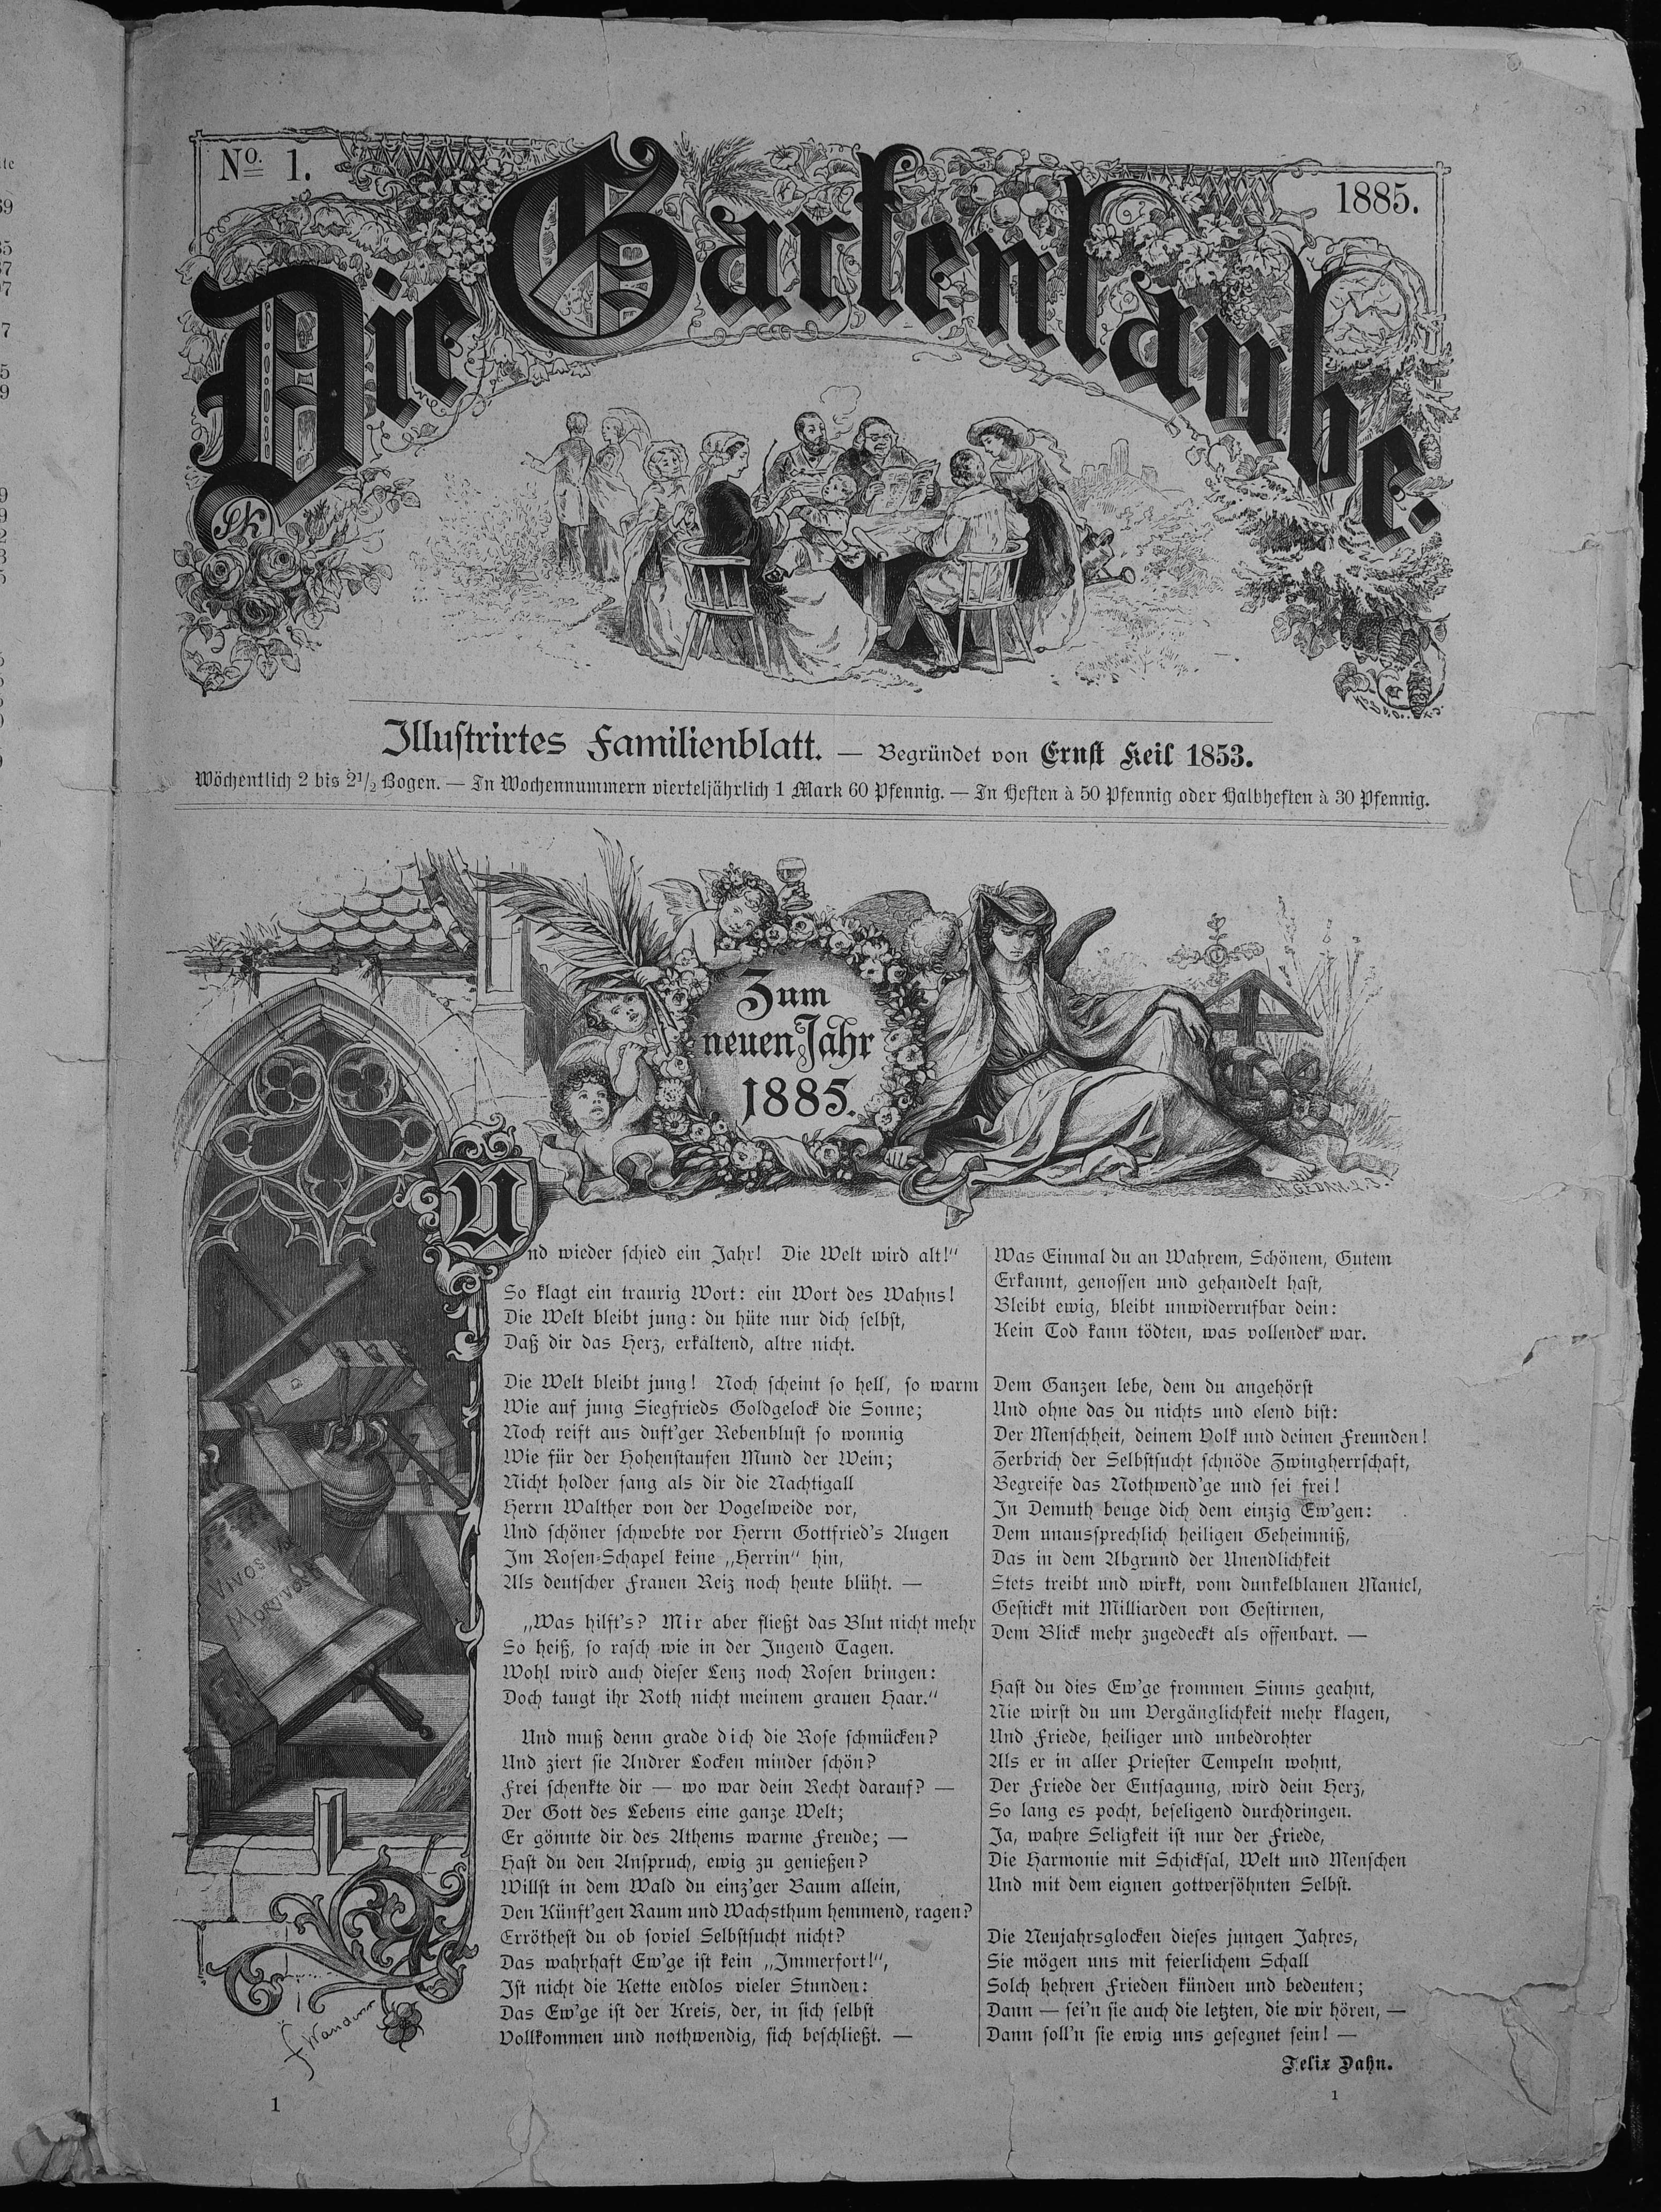No. 1. 1885.
Die Gartenlaube.

Illustrirtes Familienblatt. — Begründet von Ernst Keil 1853.

Wöchentlich 2 bis 2½ Bogen. – In Wochennummern vierteljährlich 1 Mark 60 Pfennig. – In Heften à 50 Pfennig oder Halbheften à 30 Pfennig.

Zum
neuen Jahr
1885.

„Und wieder schied ein Jahr! Die Welt wird alt!“

So klagt ein traurig Wort: ein Wort des Wahns!
Die Welt bleibt jung: du hüte nur dich selbst,
Daß dir das Herz, erkaltend, altre nicht.

Die Welt bleibt jung! Noch scheint so hell, so warm
Wie auf jung Siegfrieds Goldgelock die Sonne,
Wie für der Hohenstaufen Mund der Wein;
Nicht holder sang als dir die Nachtigall
Herrn Walther von der Vogelweide vor,
Und schöner schwebte vor Herrn Gottfried’s Augen
Im Rosen-Schapel keine „Herrin“ hin,
Als deutscher Frauen Reiz noch heute blüht. –

„Was hilft’s? Mir aber fließt das Blut nicht mehr
So heiß, so rasch wie in der Jugend Tagen.
Wohl wird auch dieser Lenz noch Rosen bringen:
Doch taugt ihr Roth nicht meinem grauen Haar.“

Und muß denn grade dich die Rose schmücken?
Und ziert sie Andrer Locken minder schön?
Frei schenkte dir – wo was dein Recht darauf? –
Der Gott des Lebens eine ganze Welt;
Er gönnte dir des Athems warme Freude; –
Hast du den Anspruch, ewig zu genießen?
Willst in dem Wald du einz’ger Baum allein,
Den Künft’gen Raum und Wachsthum hemmend, ragen?
Erröthest du ob soviel Selbstsucht nicht?
Das wahrhaft Ew’ge ist kein „Immerfort!“,
Ist nicht die Kette endlos vieler Stunden:
Das Ew’ge ist der Kreis, der, in sich selbst
Vollkommen und nothwendig, sich beschließt. –
Was Einmal du an Wahren, Schönem, Gutem
Erkannt, genossen und gehandelt hast,
Bleibt ewig, bliebt unwiderrufbar dein:
Kein Tod kann tödten, was vollendet war.

Dem Ganzen lebe, dem du angehörst
Und ohne das du nichts und elend bist:
Der Menschheit, deinem Volk und deinen Freunden!
Zerbrich der Selbstsucht schnöde Zwingherrschaft,
Begreife das Nothwend’ge und sei frei!
In Demuth beuge dich dem einzig Ew’gen:
Dem unaussprechlich heiligen Geheimniß,
Das in dem Abgrund der Unendlichkeit
Stets treibt und wirkt, vom dunkelblauen Mantel,
Gestickt mit Milliarden von Gestirnen,
Dem Blick mehr zugedeckt als offenbart. –

Hast du dies Ew’ge frommen Sinns geahnt,
Nie wirst du um Vergänglichkeit mehr klagen,
Und Friede, heiliger und unbedrother
Als er in aller Priester Tempeln wohnt,
Der Friede der Entsagung, wird dein Herz,
So lang es pocht, beseligend durchdringen.
Ja, wahre Seligkeit ist nur der Friede,
Die Harmonie mit Schicksal, Welt und Menschen
Und mit dem eignen gottversöhnten Selbst.

Die Neujahrsglocken dieses jungen Jahres,
Sie mögen uns mit feierlichem Schall
Solch hehren Frieden künden und bedeuten;
Dann – sei’n sie auch die letzten, die wir hören, –
Dann soll’n sie ewig uns gesegnet sein! –

Felix Dahn.
